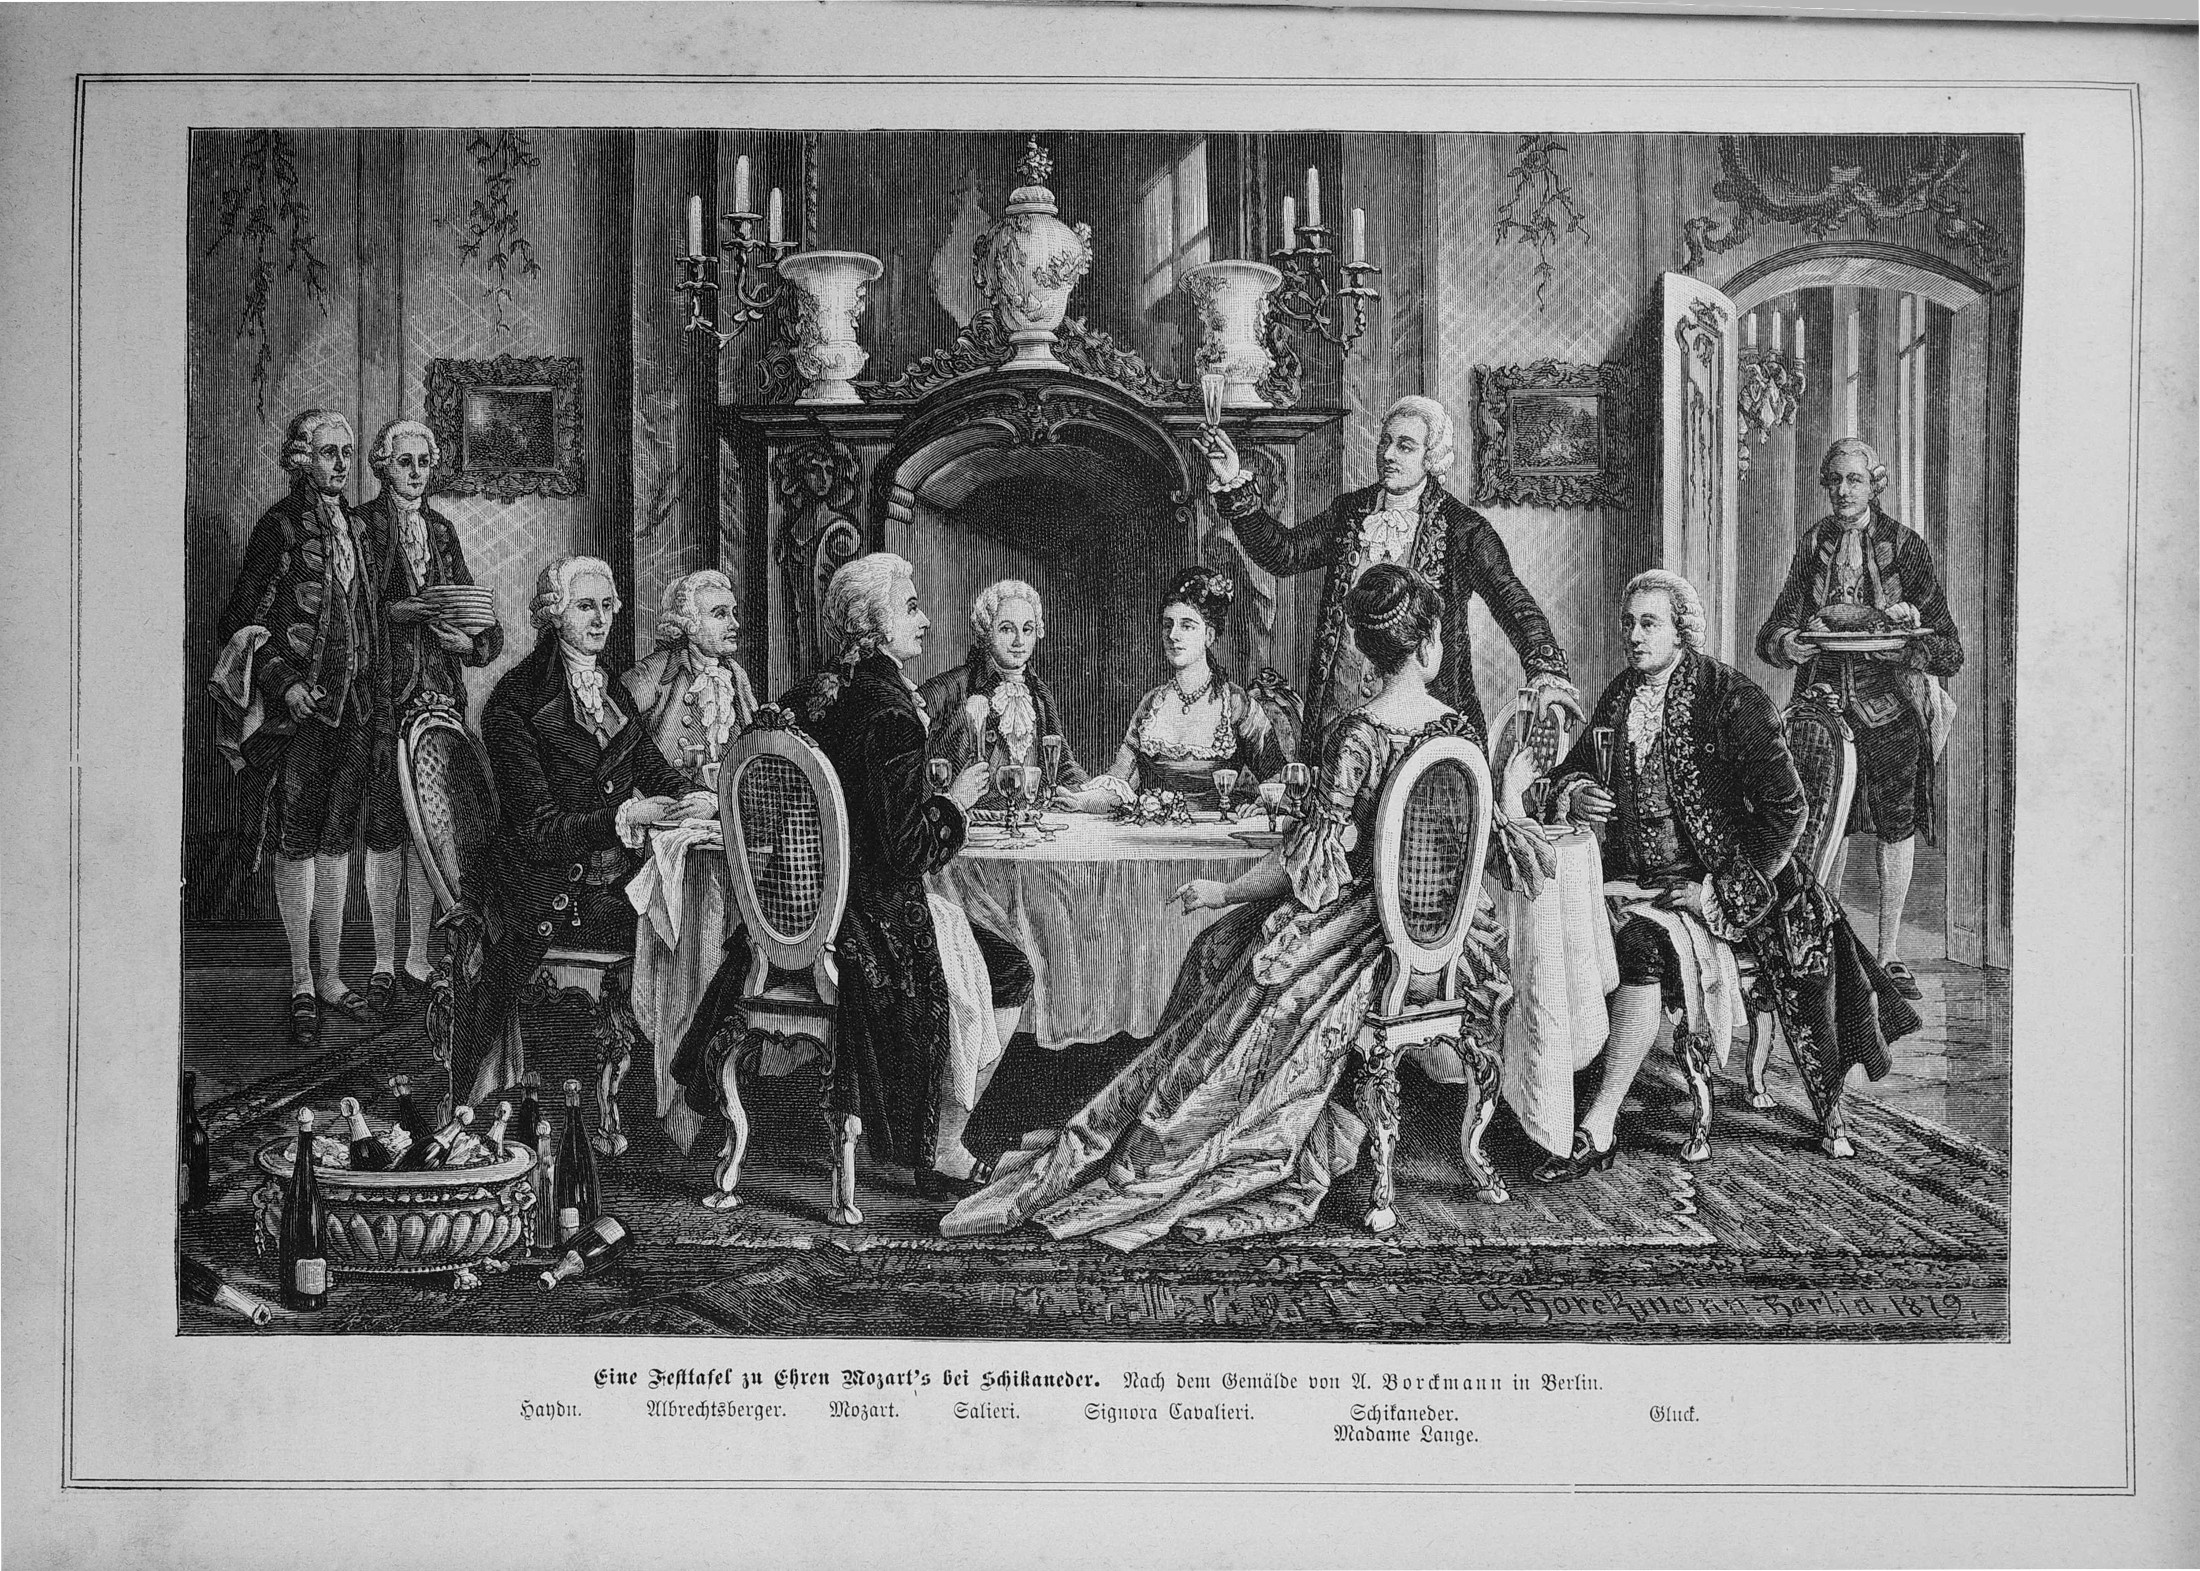Eine Festtafel zu Ehren Mozart’s bei Schikaneder.
Nach dem Gemälde von A. Borckmann in Berlin.
Haydn. Albrechtsberger. Mozart. Salieri. Signora Cavalieri. Schikaneder. Gluck.
Madame Lange.
